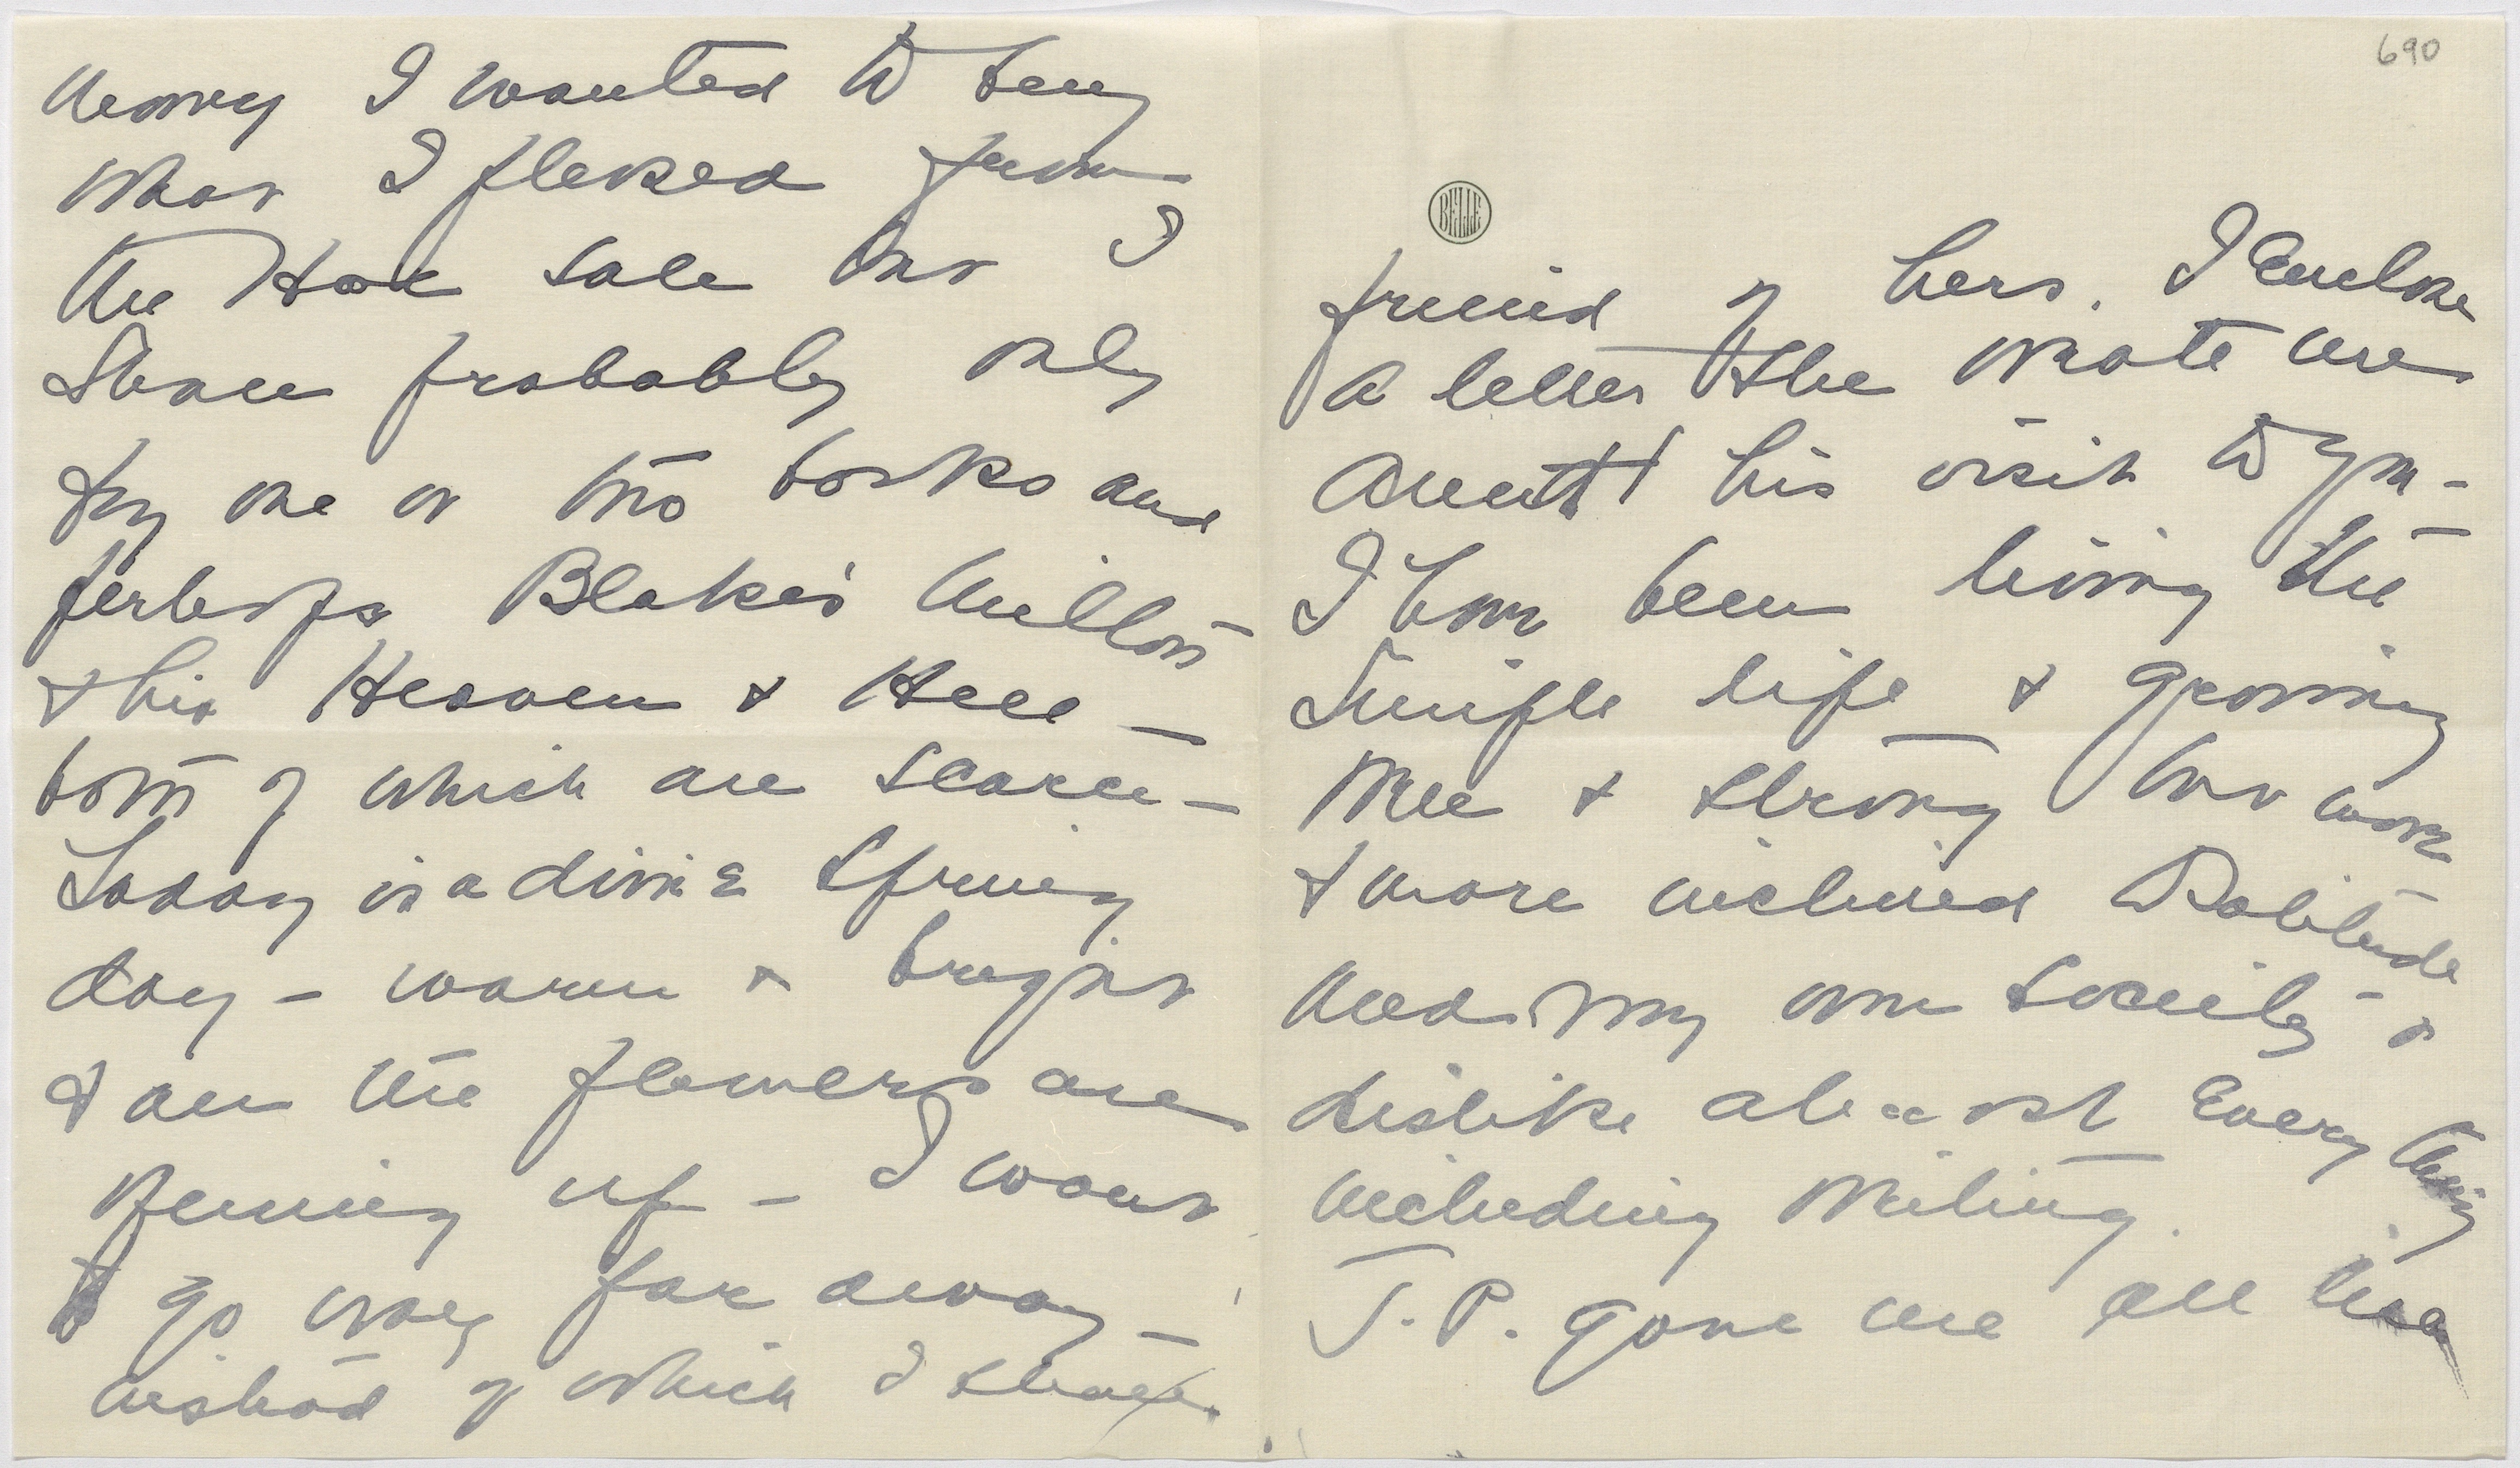friend of hers. I enclose a letter she wrote me about [?] his visit to you – I have been living the simple life & growing well & strong but more & more inclined to solitude and my own society & dislike almost every thing including writing.
J. P. gave me all the
money I wanted to buy what I pleased from the Hoe sale but I shall probably only buy one or two books and perhaps Blake’s Milton & his Heaven & Hell – both of which are scarce –
Today is a divine spring day – warm & bright & all the flowers are opening up – I want to go way far away – instead of which I shall